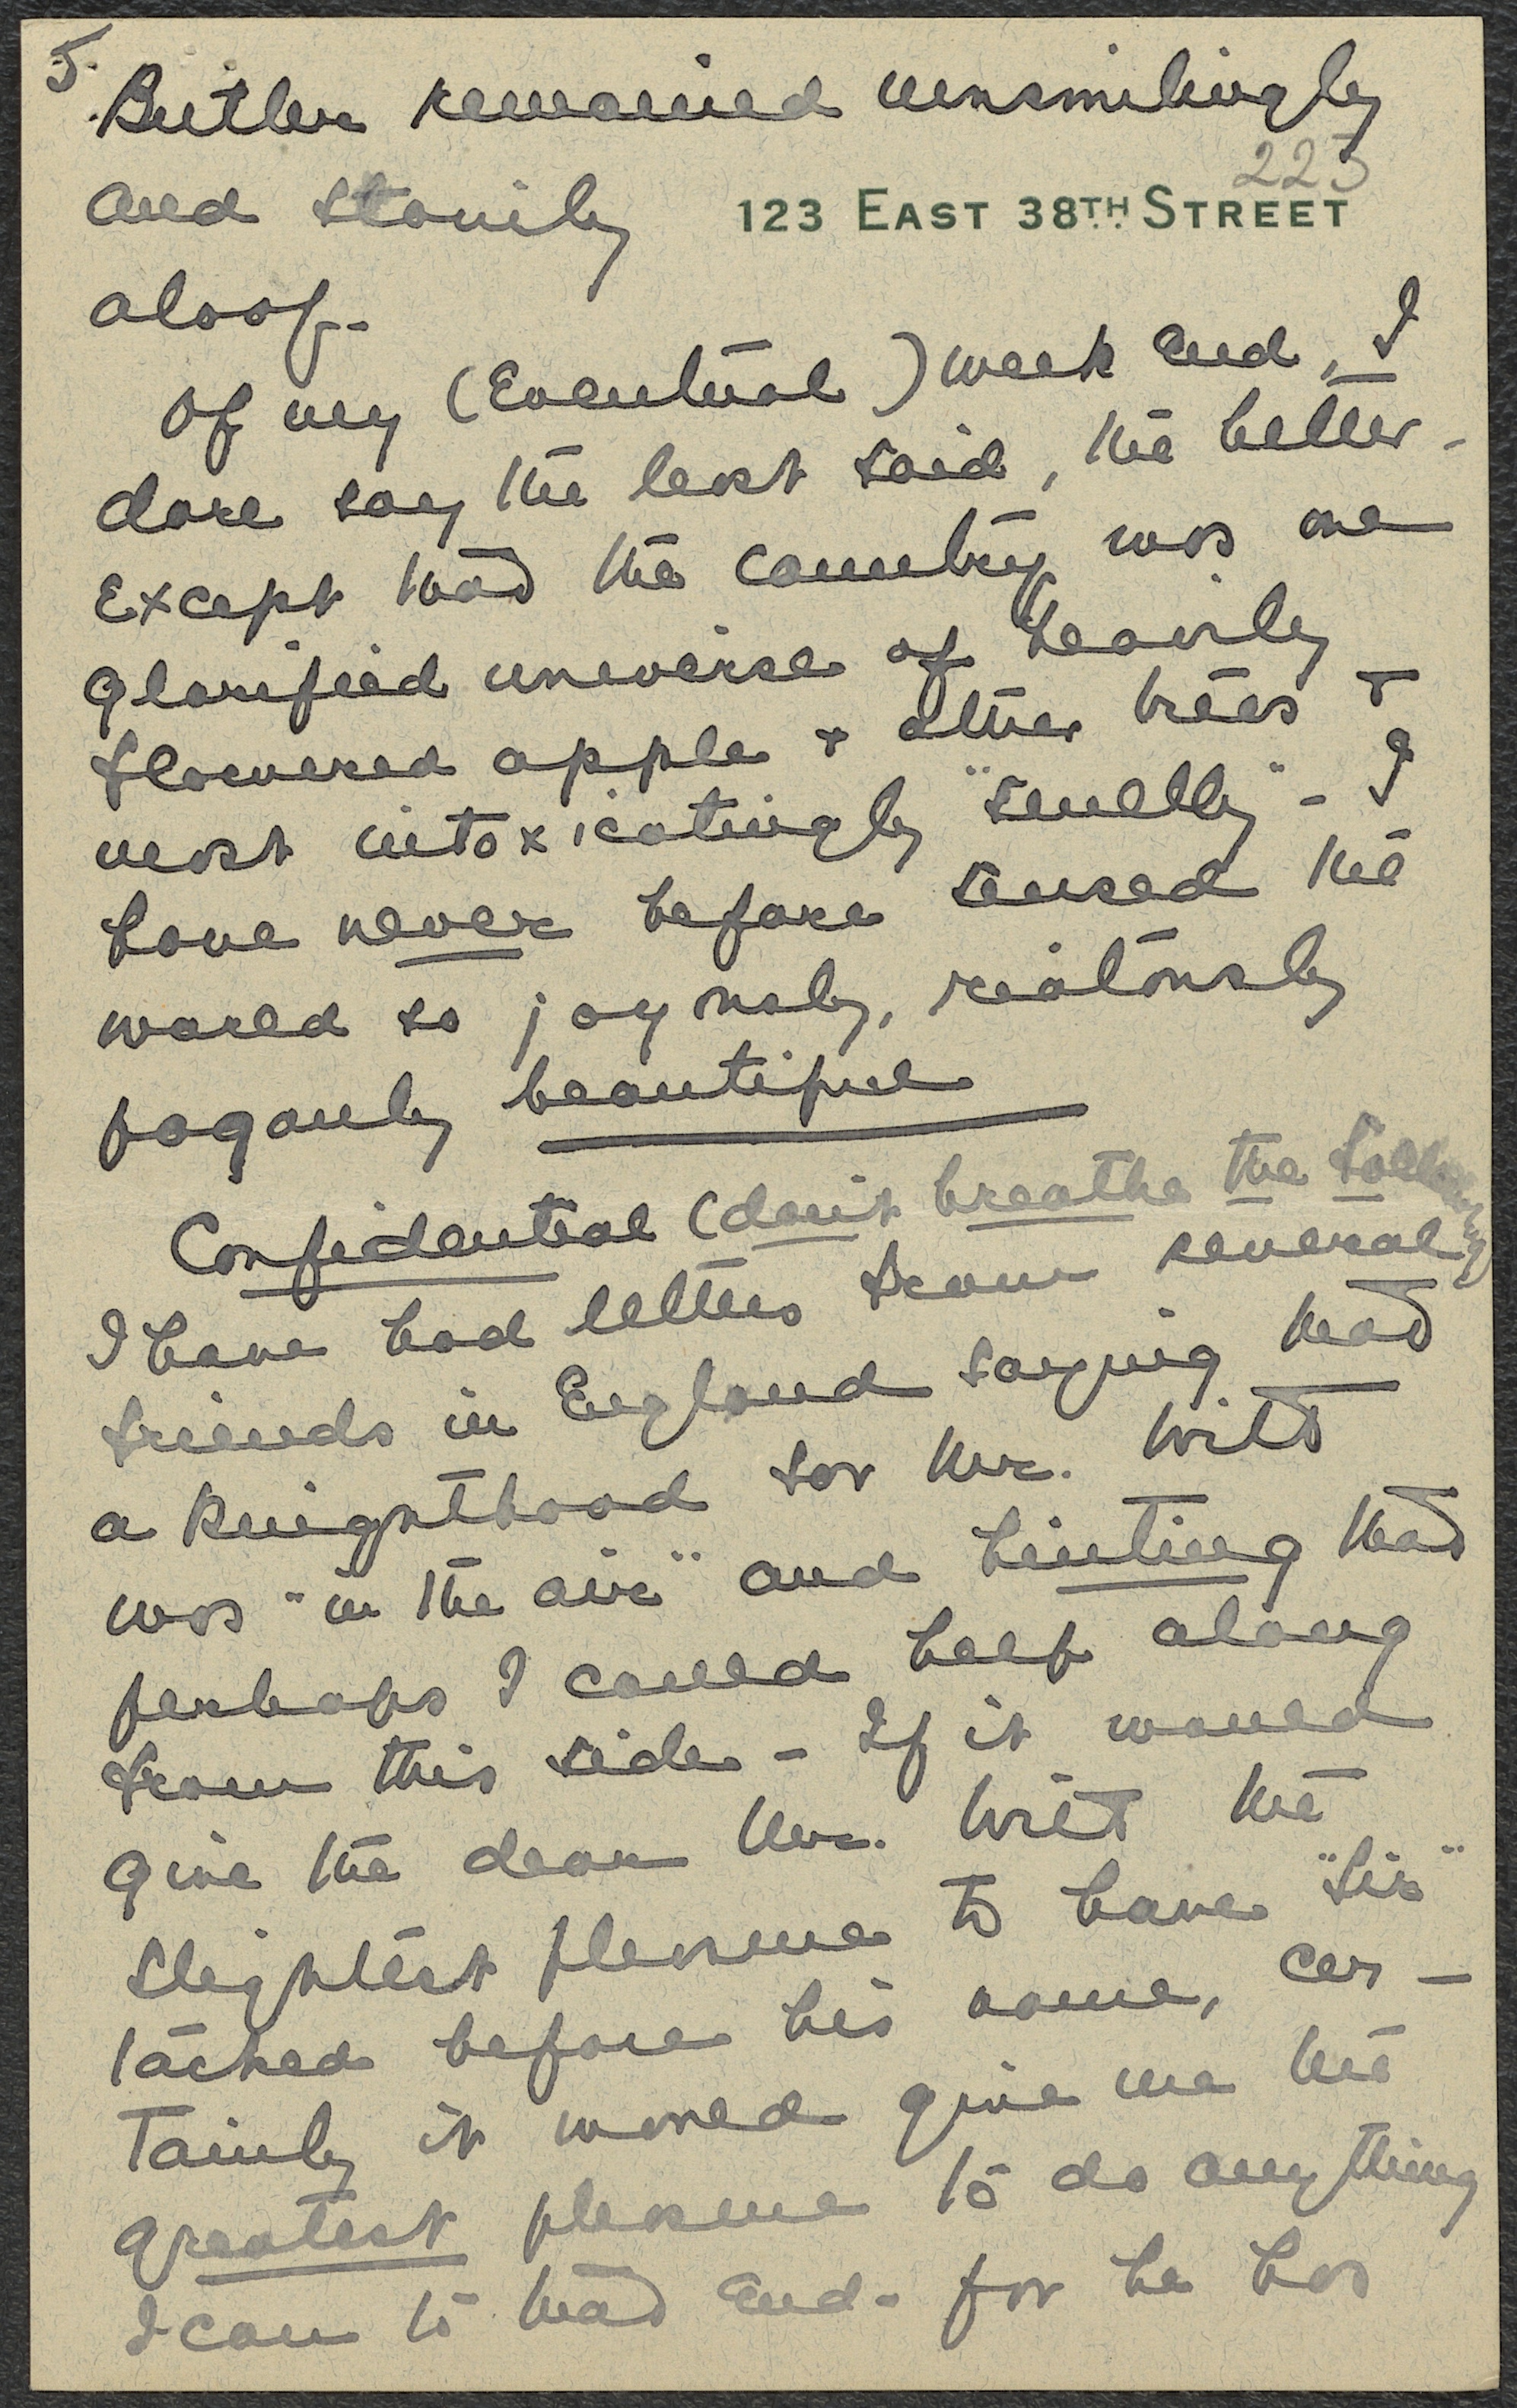Butler remained unsmilingly and stonily aloof –
Of my (eventual) week end, I dare say the least said, the better – except that the country was one glorified universe of heavily flowered apple & other trees & most intoxicatingly “smelly” – I have never before sensed the world so joyously, riotously paganly beautiful
Confidential (don’t breathe the following) I have had letters from several friends in England saying that a knighthood for Mr. Witt was “in the air” and hinting that perhaps I could help along from this side – If it would give the dear Mr. Witt the slightest pleasure to have “Sir” tacked before his name, certainly it would give me the greatest pleasure to do anything I can to that end – for he has